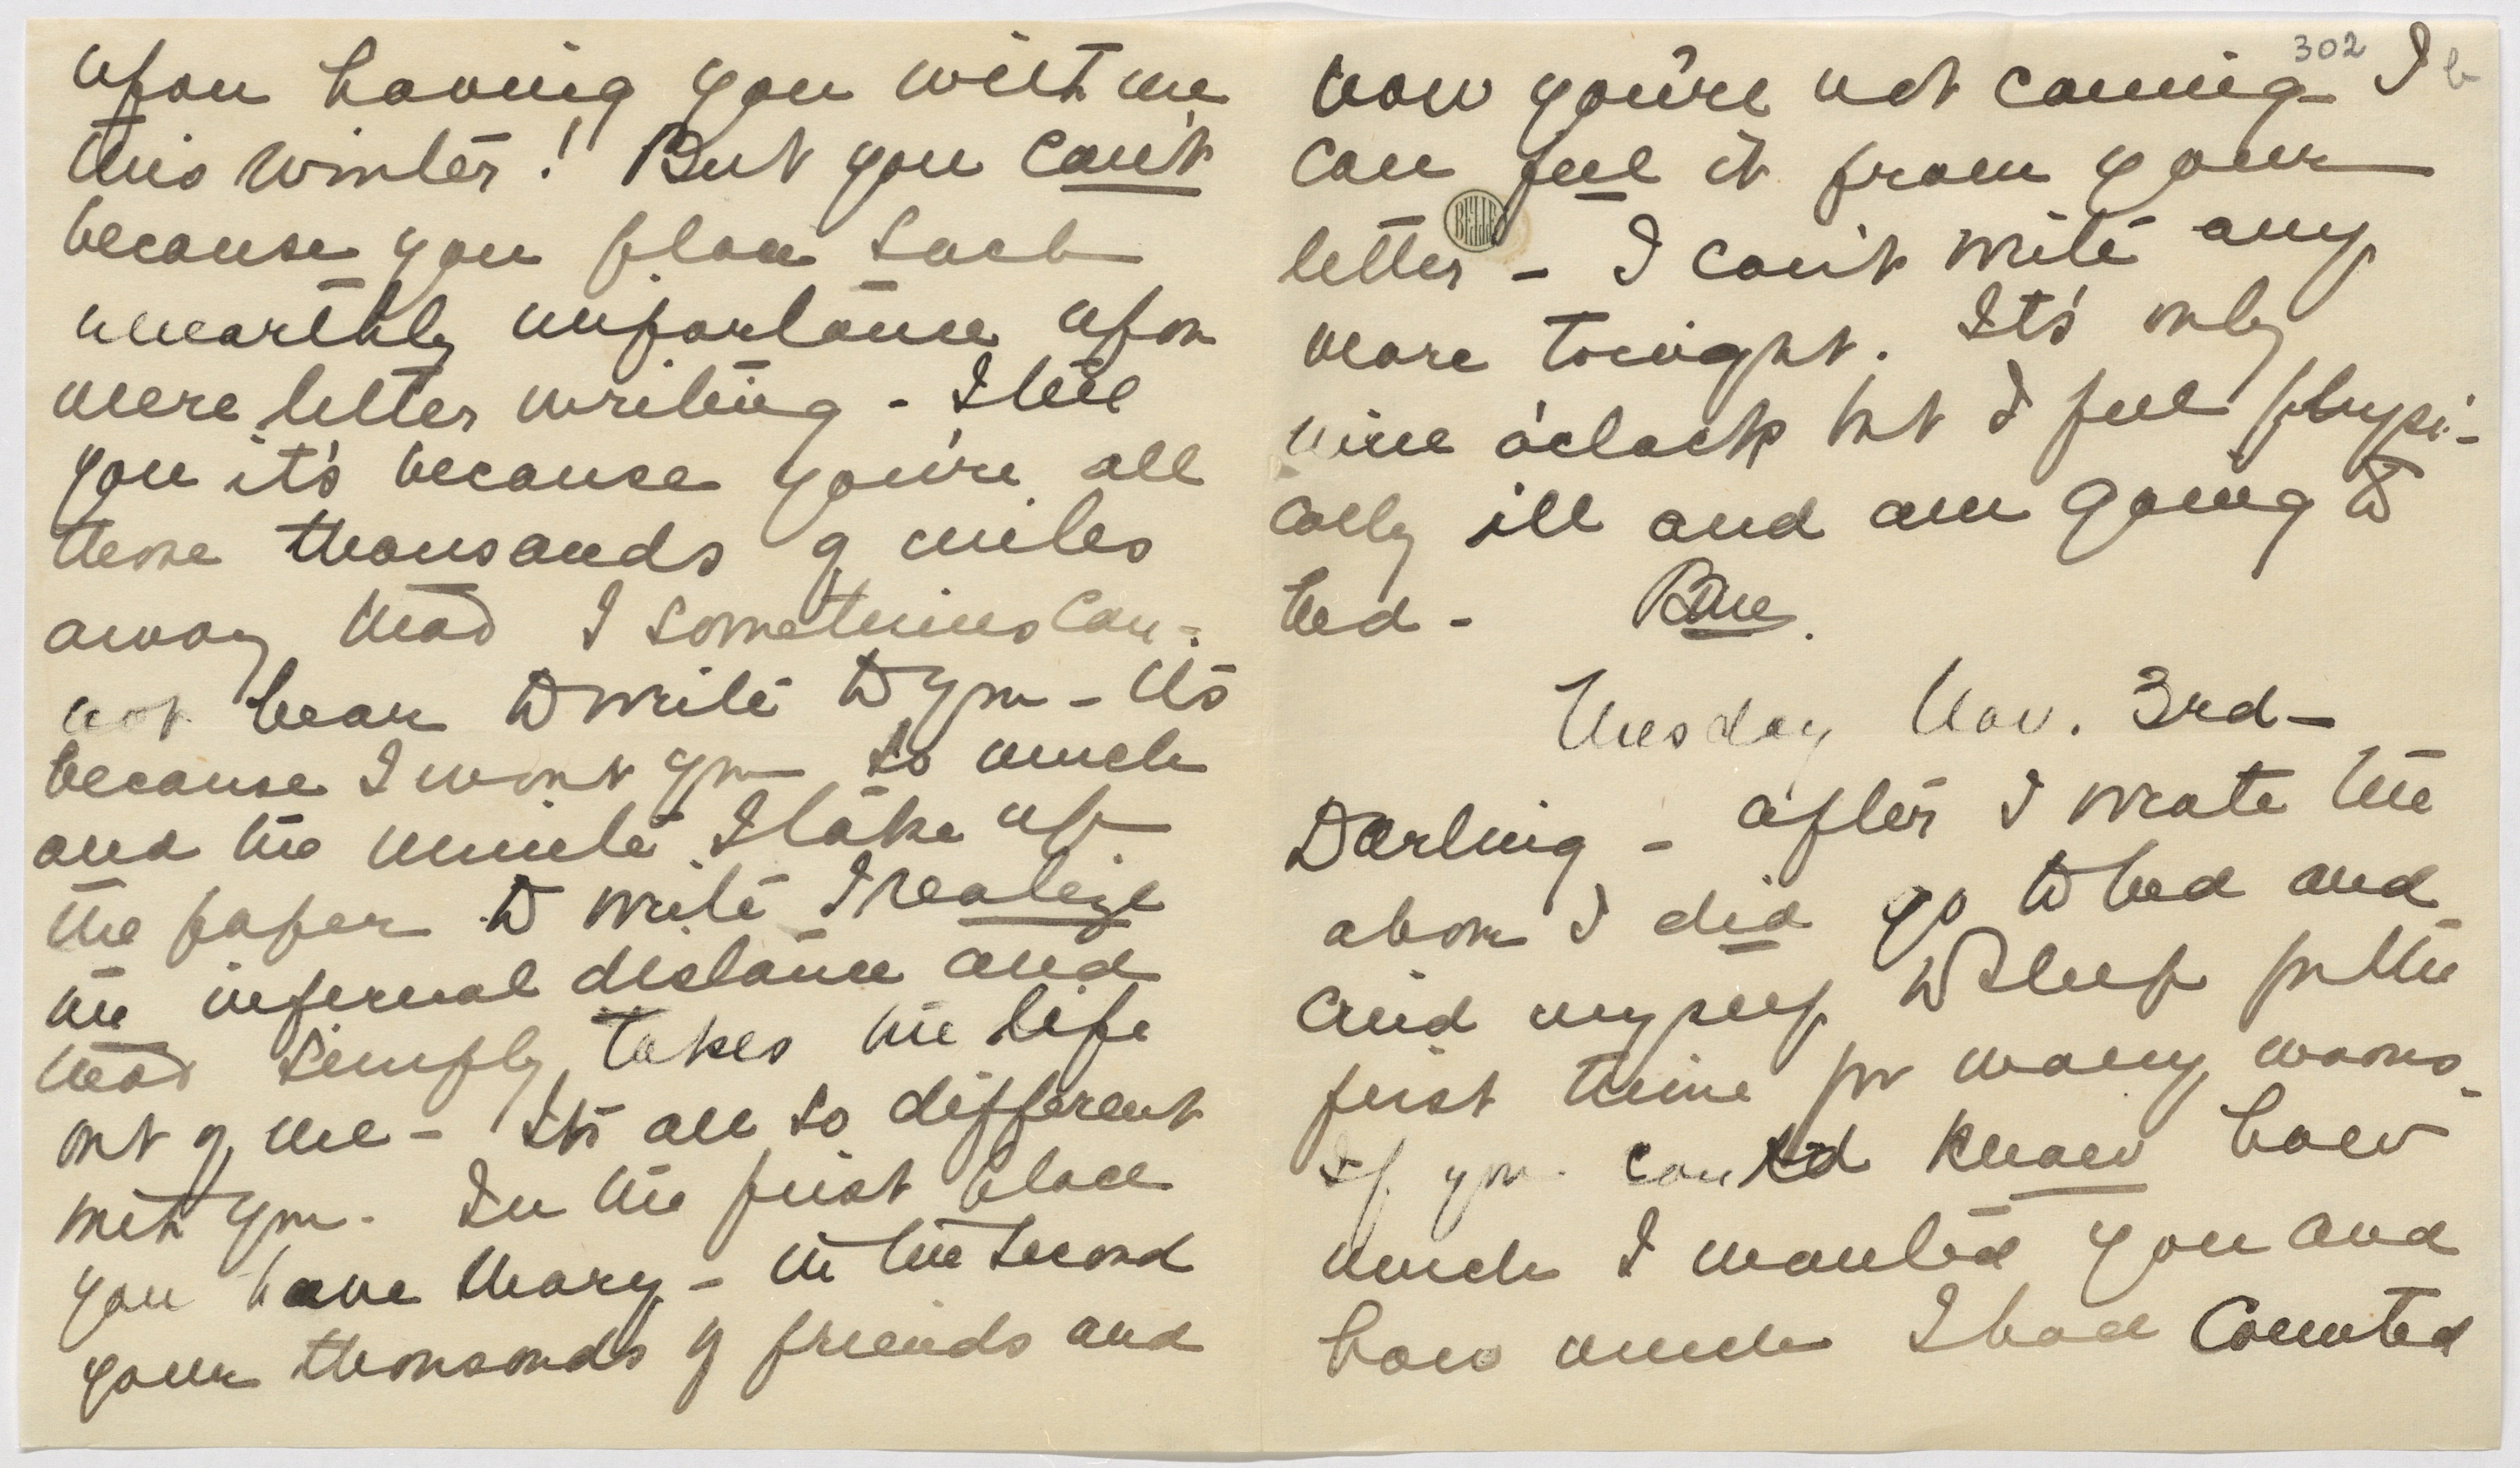now you’re not coming – I can feel it from your letter – I can’t write anymore tonight. It’s only nine o'clock but I feel physically ill and am going to bed – Belle
Tuesday Nov. 3rd –
Darling – after I wrote the above I did go to bed and cried myself to sleep for the first time for many moons – If you could know how much I wanted you and how much I had counted
upon having you with me this winter! But you can’t because you place such unearthly importance upon mere letter writing – I tell you it’s because you’re all those thousands of miles away that I sometimes cannot bear to write to you – it’s because I want you so much and the minute I take up the paper to write I realize the infernal distance and that simply takes the life out of me – It’s all so different with you. In the first place you have Mary – in the second your thousands of friends and